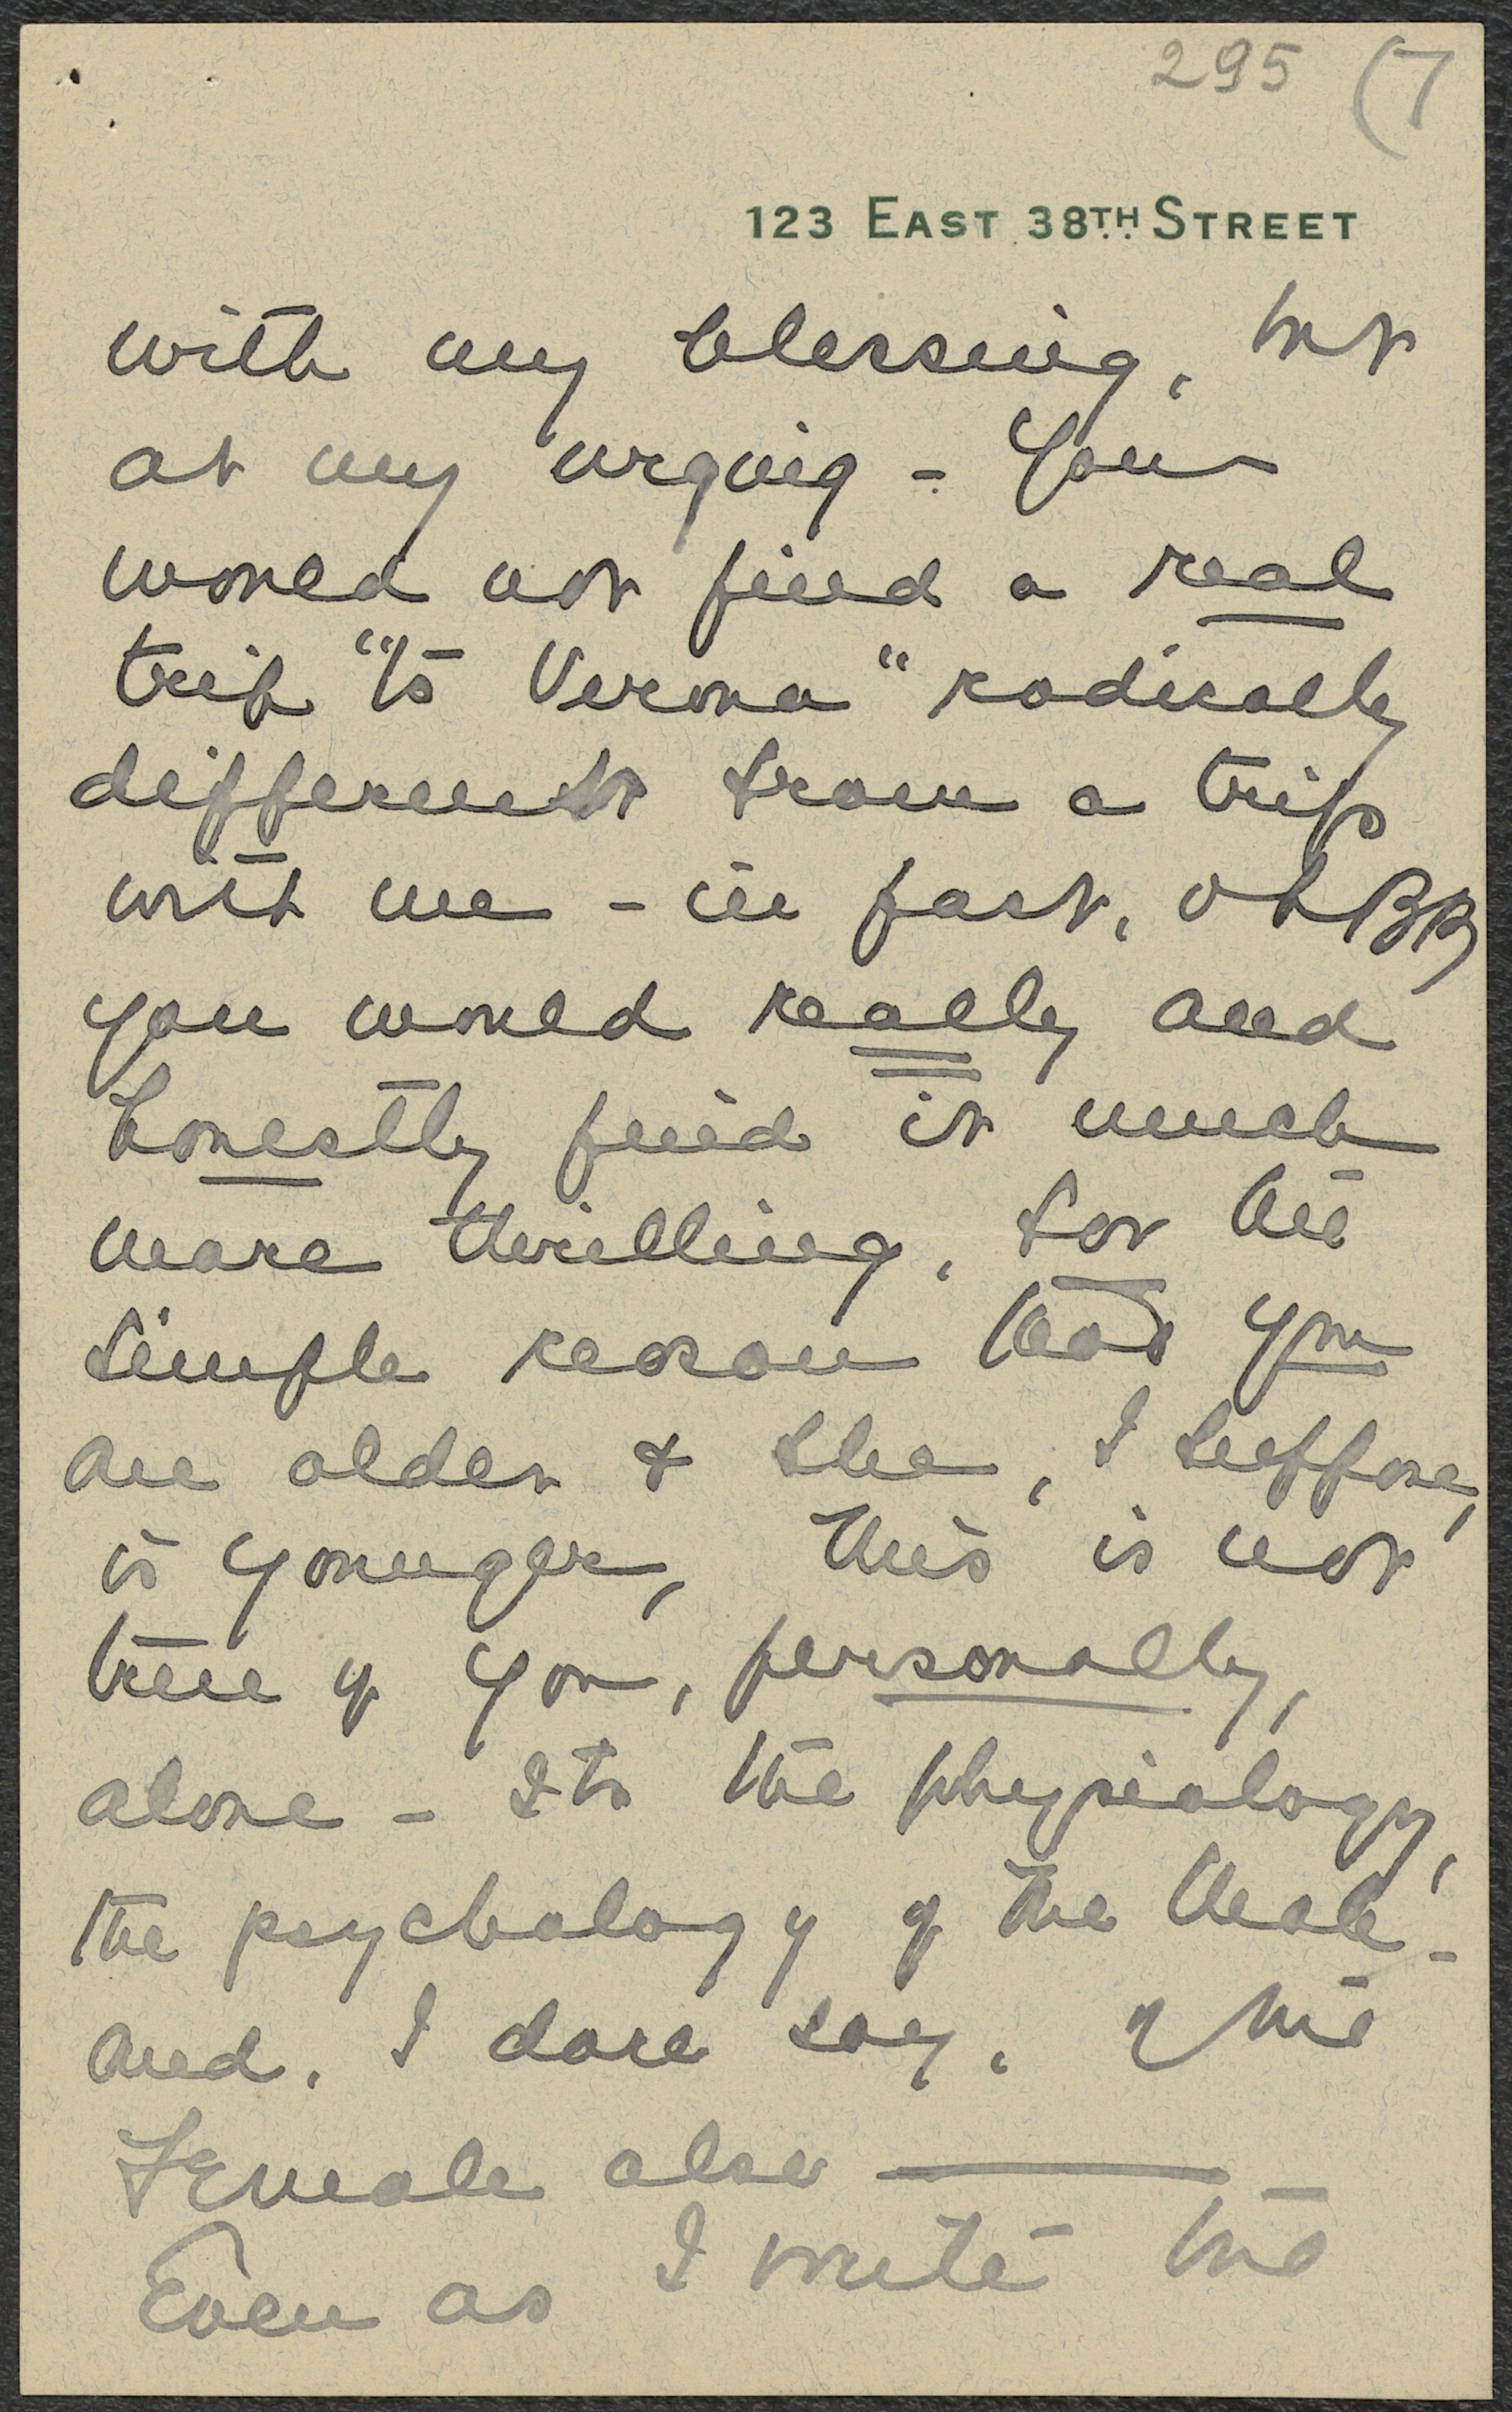with my blessing, but at my urging – You would not find a real trip “to Verona” radically different from a trip with me – in fact, oh BB you would [double underlined: really] and honestly find it much more thrilling, for the simple reason that you are older & she, I suppose, is younger, this is not true of you, personally, alone – It’s the physiology, the psychology of the male – and, I dare say, of the female also –
Even as I write the